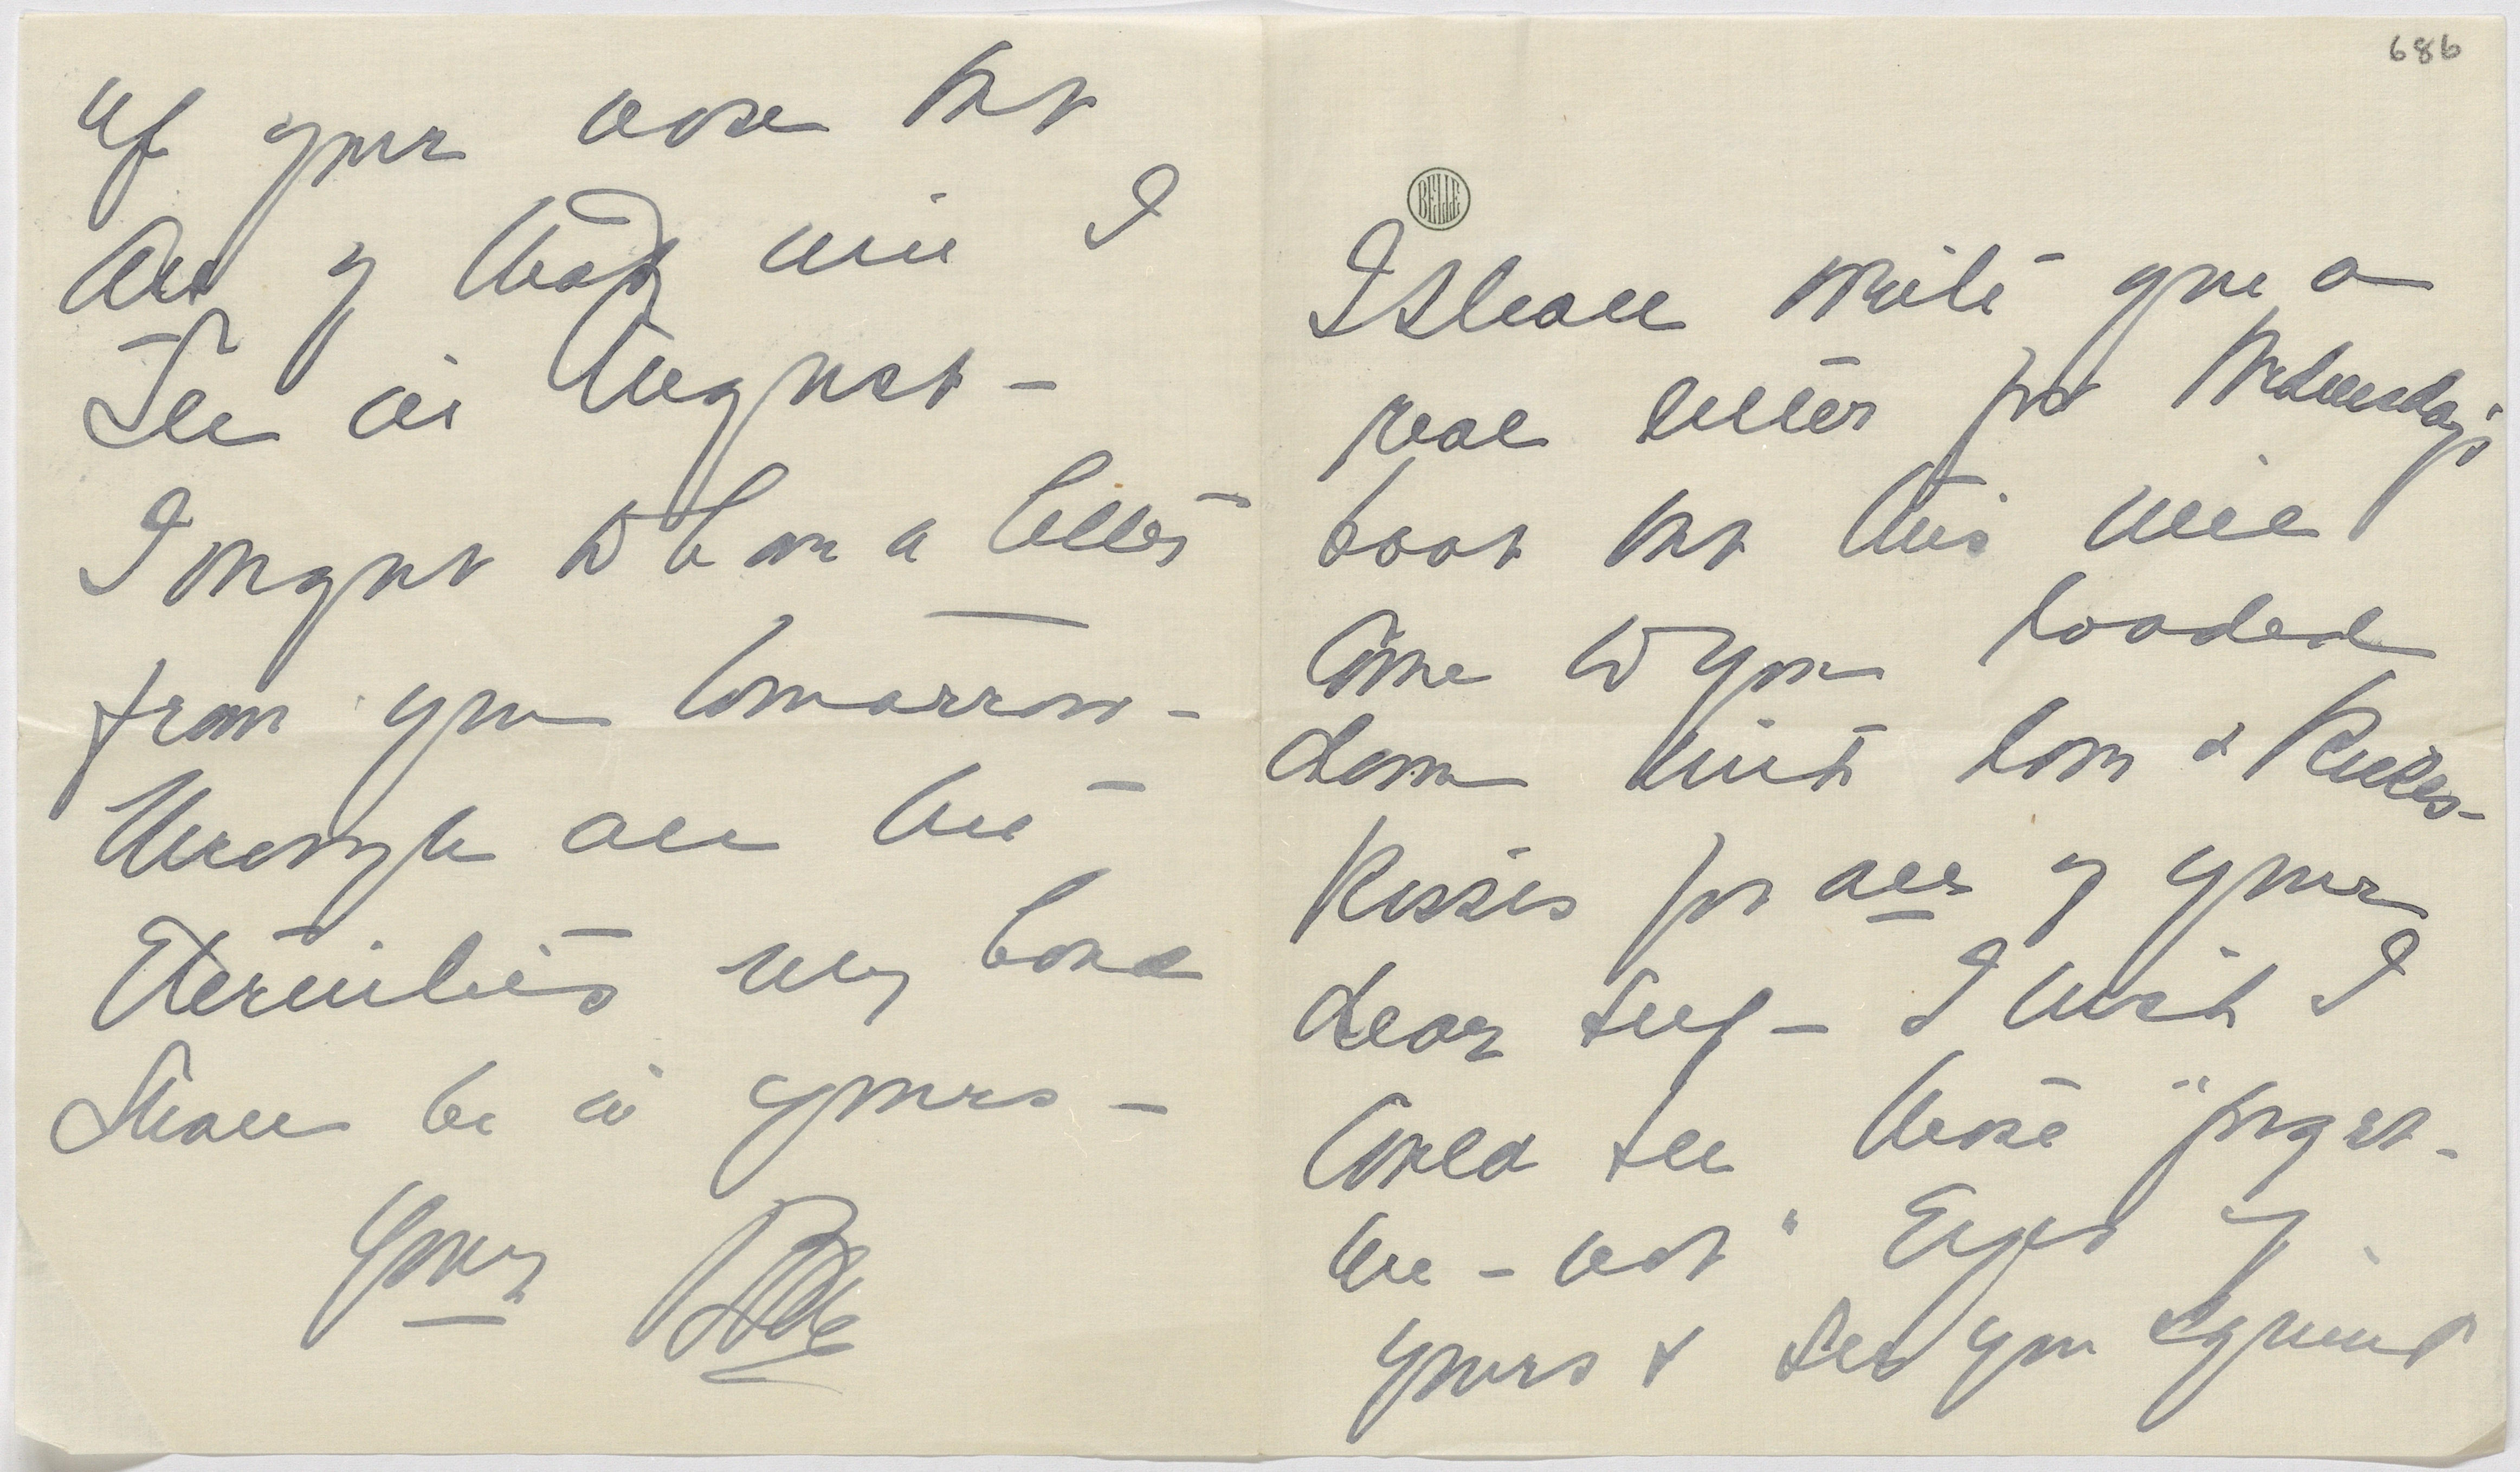I shall write you a real letter for Wednesday’s boat but this will come to you loaded down with love & kisses – kisses for all of your dear self – I wish I could see those “forget-me-not” eyes of yours & see you squint
up your nose but all of that will I See in August –
I ought to have a letter from you tomorrow –
Through all the Eternities my hand Shall be in yours –
Your Belle